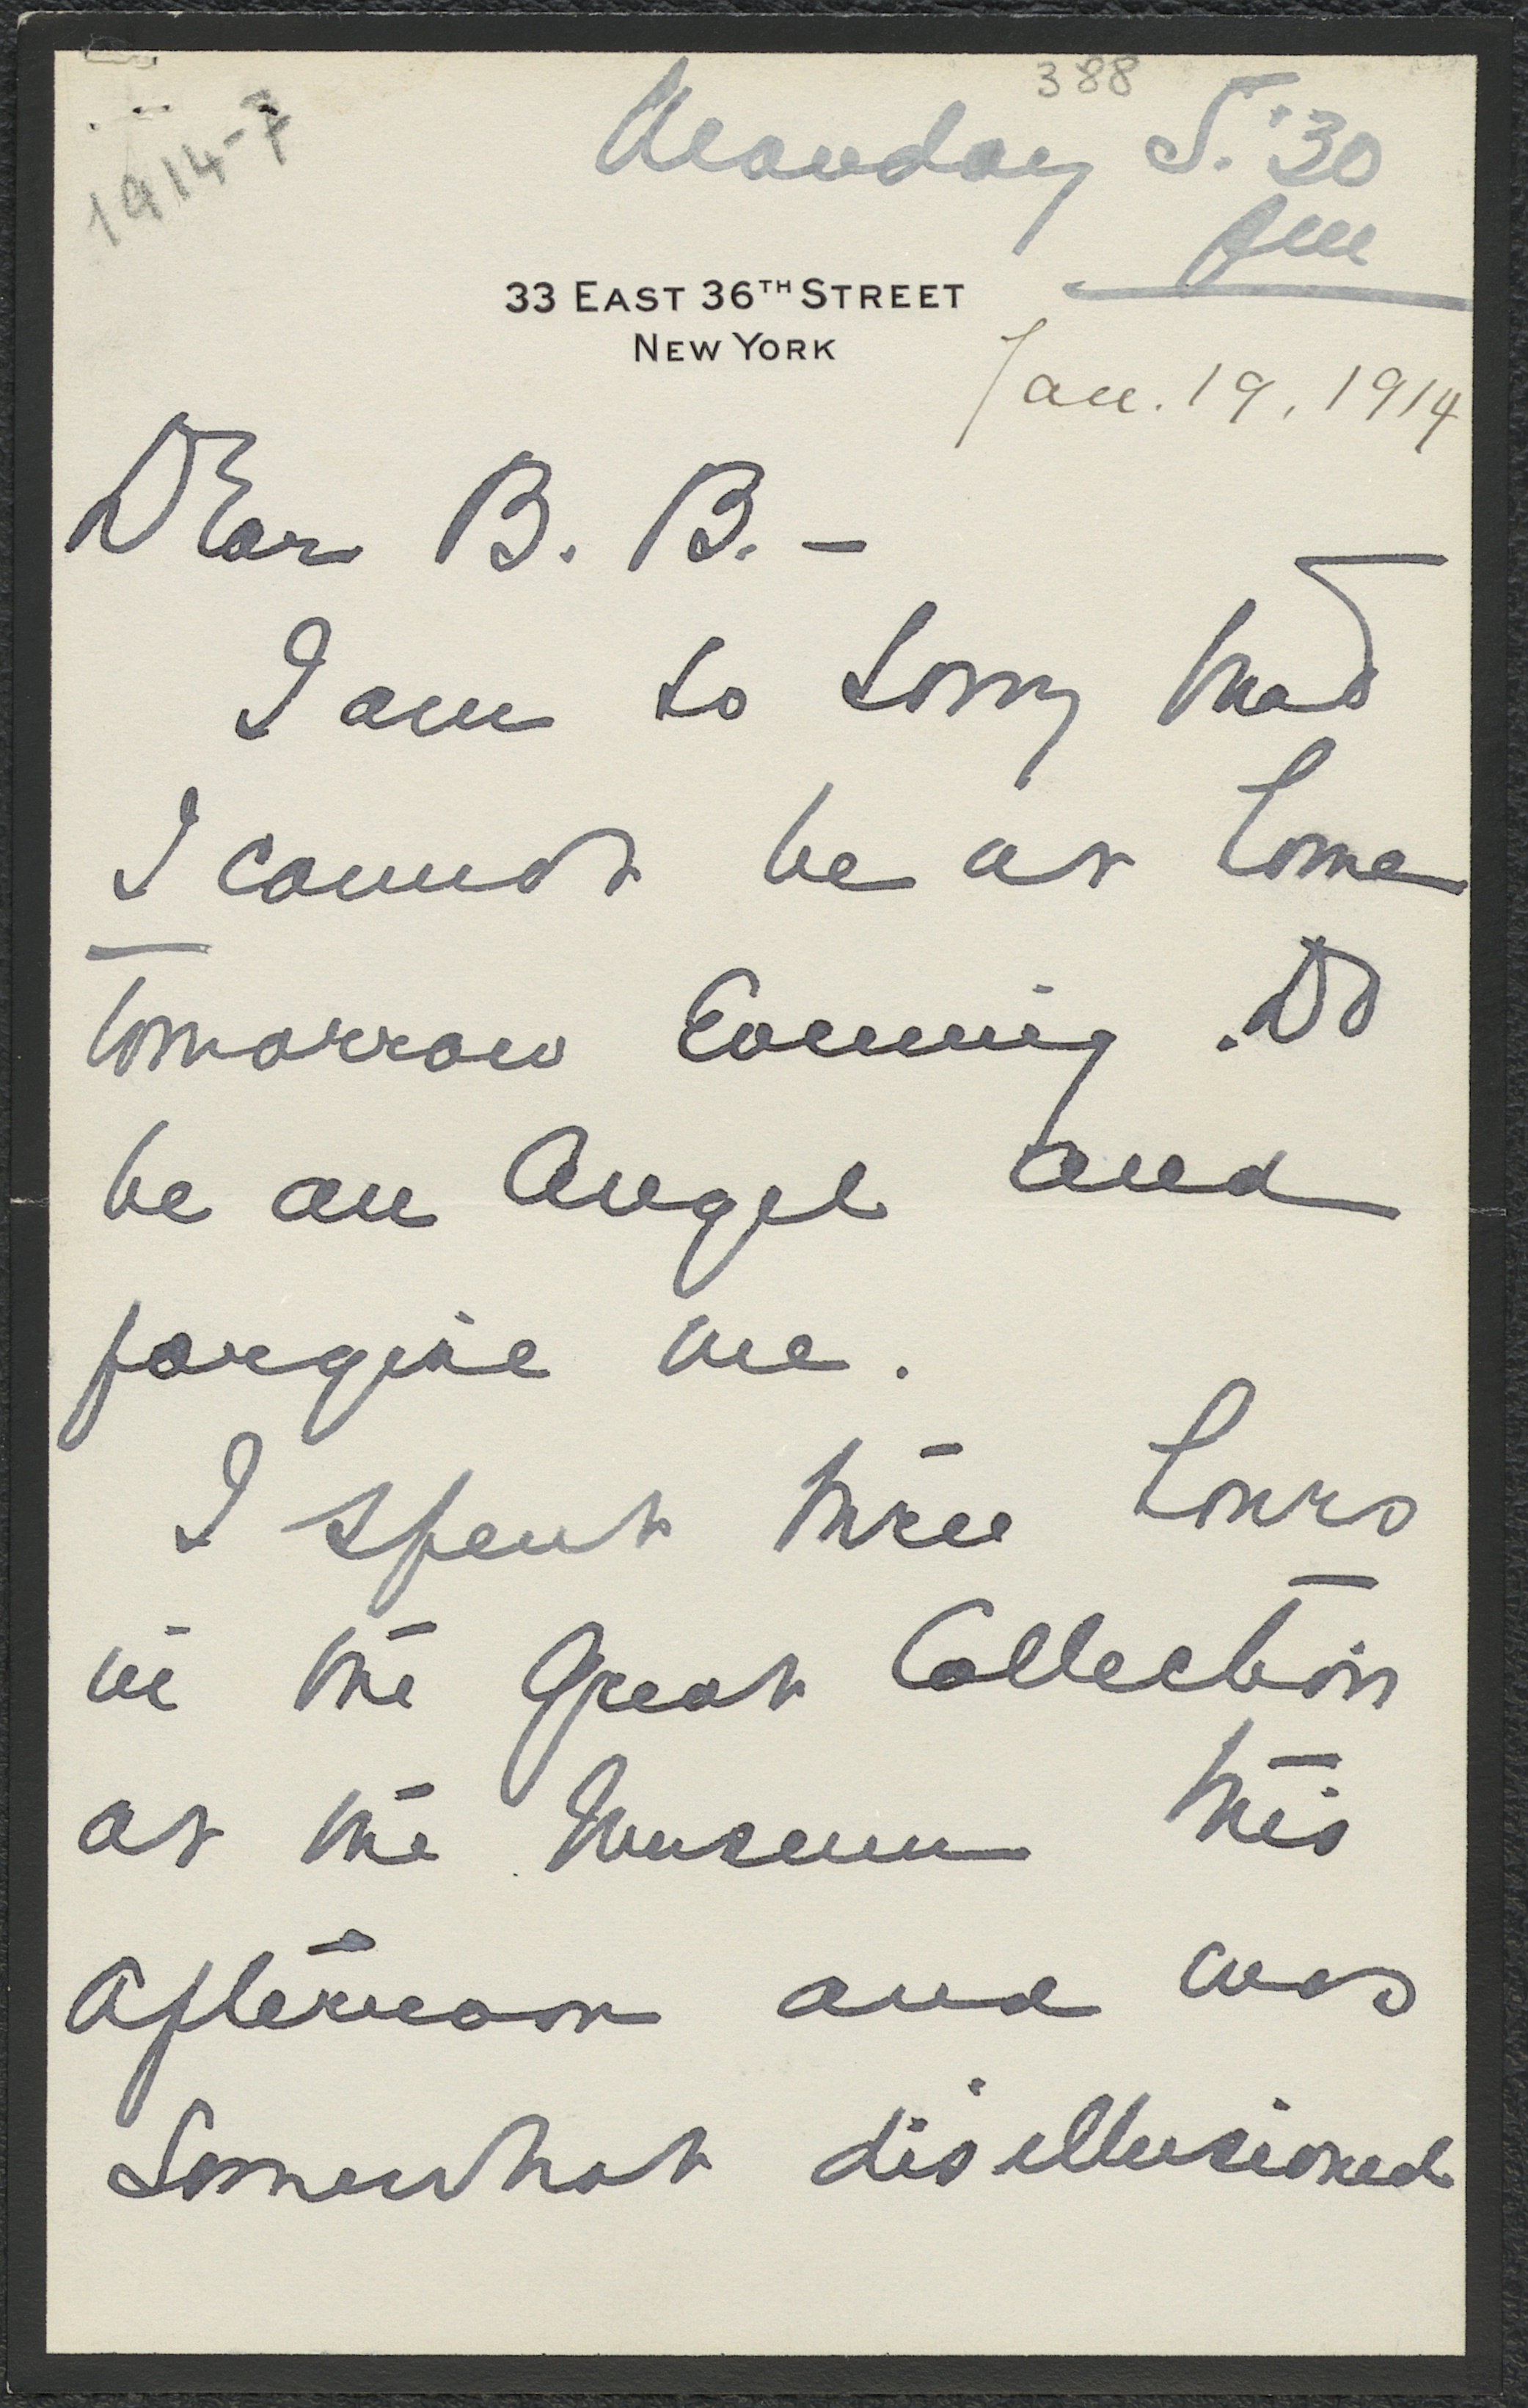Monday 5:30 pm
Dear B.B. –
I am so sorry that I cannot be at home tomorrow evening. Do be an angel and forgive me.
I spent three hours in the great collection at the Museum this afternoon and was somewhat disillusioned